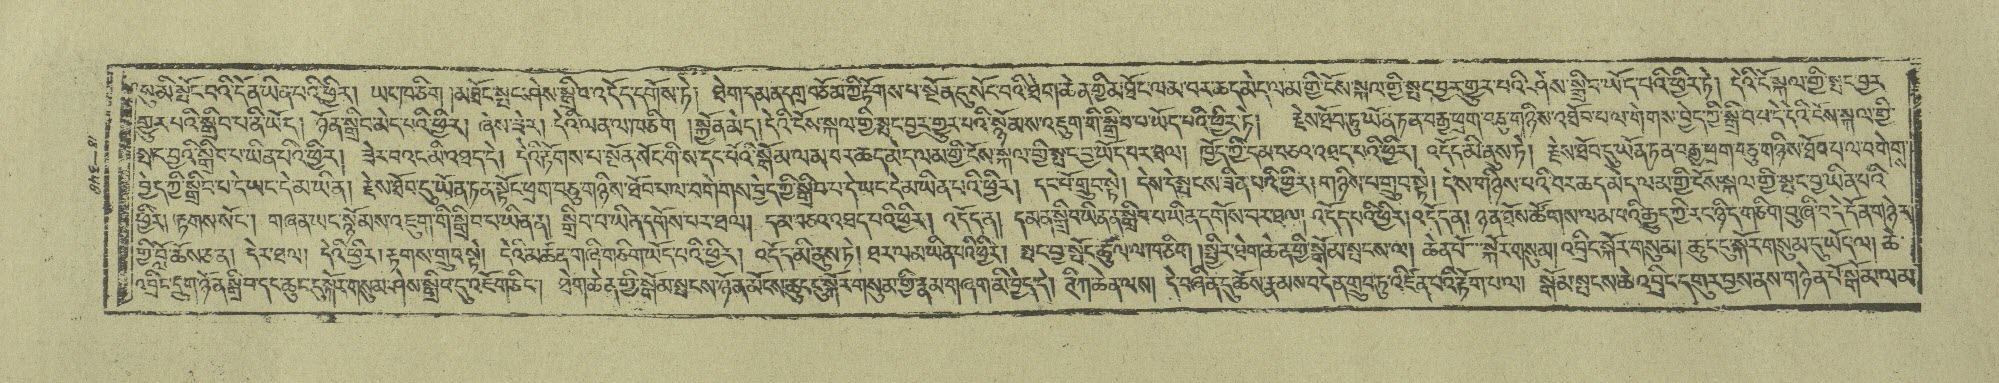སུ་མི་མྱོང་བའི་དོན་ཡིན་པའི་ཕྱིར། ཡང་ཁ་ཅིག །མཐོང་སྤང་ཤེས་སྒྲིབ་འདོད་དགོས་ཏེ། ཐེག་དམན་དགྲ་བཅོམ་ཀྱི་རྟོགས་པ་སྔོན་དུ་སོང་བའི་ཐེག་ཆེན་གྱི་མཐོང་ལམ་བར་ཆད་མེད་ལམ་གྱི་ངོས་སྐལ་གྱི་སྤང་བྱར་གྱུར་པའི་ཤེས་སྒྲིབ་ཡོད་པའི་ཕྱིར་ཏེ། དེའི་ངོ་སྐལ་གྱི་སྤང་བྱར་
གྱུར་པའི་སྒྲིབ་པ་ནི་ཡོད། ཉོན་སྒྲིབ་མེད་པའི་ཕྱིར། ཞེས་ཟེར། དེའི་ལན་ལ་ཁ་ཅིག །སྐྱོན་མེད། དེའི་ངོས་སྐལ་གྱི་སྤང་བྱར་གྱུར་པའི་སྙོམས་འཇུག་གི་སྒྲིབ་པ་ཡོད་པའི་ཕྱིར་ཏེ། རྗེས་ཐོབ་ཏུ་ཡོན་ཏན་བརྒྱ་ཕྲག་བཅུ་གཉིས་འཐོབ་པ་ལ་གེགས་བྱེད་ཀྱི་སྒྲིབ་པ་དེ་དེའི་ངོས་སྐལ་གྱི་
སྤང་བྱའི་སྒྲིབ་པ་ཡིན་པའི་ཕྱིར། ཟེར་བའང་མི་འཐད་དེ། དེའི་རྟོགས་པ་སྔོན་སོང་གི་ས་དང་པོའི་སྒོམ་ལམ་བར་ཆད་མེད་ལམ་གྱི་ངོས་སྐལ་གྱི་སྤང་བྱ་ཡོད་པར་ཐལ། ཁྱོད་ཀྱི་དམ་བཅའ་འཐད་པའི་ཕྱིར། འདོད་མི་ནུས་ཏེ། རྗེས་ཐོབ་དུ་ཡོན་ཏན་བརྒྱ་ཕྲག་བཅུ་གཉིས་ཐོབ་པ་ལ་བགེགས་
བྱེད་ཀྱི་སྒྲིབ་པ་དེ་ཡང་དེ་མ་ཡིན། རྗེས་ཐོབ་དུ་ཡོན་ཏན་སྟོང་ཕྲག་བཅུ་གཉིས་ཐོབ་པ་ལ་བགེགས་བྱེད་ཀྱི་སྒྲིབ་པ་དེ་ཡང་དེ་མ་ཡིན་པའི་ཕྱིར། དང་པོ་གྲུབ་སྟེ། དེས་དེ་སྤངས་ཟིན་པའི་ཕྱིར། གཉིས་པ་གྲུབ་སྟེ། དེས་གཉིས་པའི་བར་ཆད་མེད་ལམ་གྱི་ངོས་སྐལ་གྱི་སྤང་བྱ་ཡིན་པའི་
ཕྱིར། རྟགས་སོང་། གཞན་ཡང་སྙོམས་འཇུག་གི་སྒྲིབ་པ་ཡིན་ན། སྒྲིབ་པ་ཡིན་དགོས་པར་ཐལ། དམ་བཅའ་འཐད་པའི་ཕྱིར། འདོད་ན། དམན་སྒྲིབ་ཡིན་ན་སྒྲིབ་པ་ཡིན་དགོས་པར་ཐལ། འདོད་པའི་ཕྱིར། འདོད་ན། ཉན་ཐོས་ཚོགས་ལམ་པའི་རྒྱུད་ཀྱི་རང་ཉིད་གཅིག་པུ་ཞི་བདེ་དོན་གཉེར་
གྱི་བློ་ཆོས་ཅན། དེར་ཐལ། དེའི་ཕྱིར། རྟགས་གྲུབ་སྟེ། དེའི་མཚན་གཞི་གཅིག་ཡོད་པའི་ཕྱིར། འདོད་མི་ནུས་ཏེ། ཐར་ལམ་ཡིན་པའི་ཕྱིར། སྤང་བྱ་སྤོང་ཚུལ་ལ་ཁ་ཅིག །སྤྱིར་ཐེག་ཆེན་གྱི་སྒོམ་སྤངས་ལ། ཆེན་པོ་སྐོར་གསུམ། འབྲིང་སྐོར་གསུམ། ཆུང་ངུ་སྐོར་གསུམ་དུ་ཡོད་ལ། ཆེ་
འབྲིང་དྲུག་ཉོན་སྒྲིབ་དང་ཆུང་ངུ་སྐོར་གསུམ་ཤེས་སྒྲིབ་དུ་འཇོག་ཅིང་། ཐེག་ཆེན་གྱི་སྒོམ་སྤངས་ཉོན་མོངས་ཆུང་ངུ་སྐོར་གསུམ་གྱི་རྣམ་གཞག་མི་བྱེད་དེ། ཊིཀ་ཆེན་ལས། དེ་བཞིན་དུ་ཆོས་རྣམས་བདེན་གྲུབ་ཏུ་འཛིན་པའི་རྟོག་པ་ལ། སྒོམ་སྤངས་ཆེ་འབྲིང་དགུར་བྱས་ནས་གཉེན་པོ་སྒོམ་ལམ་